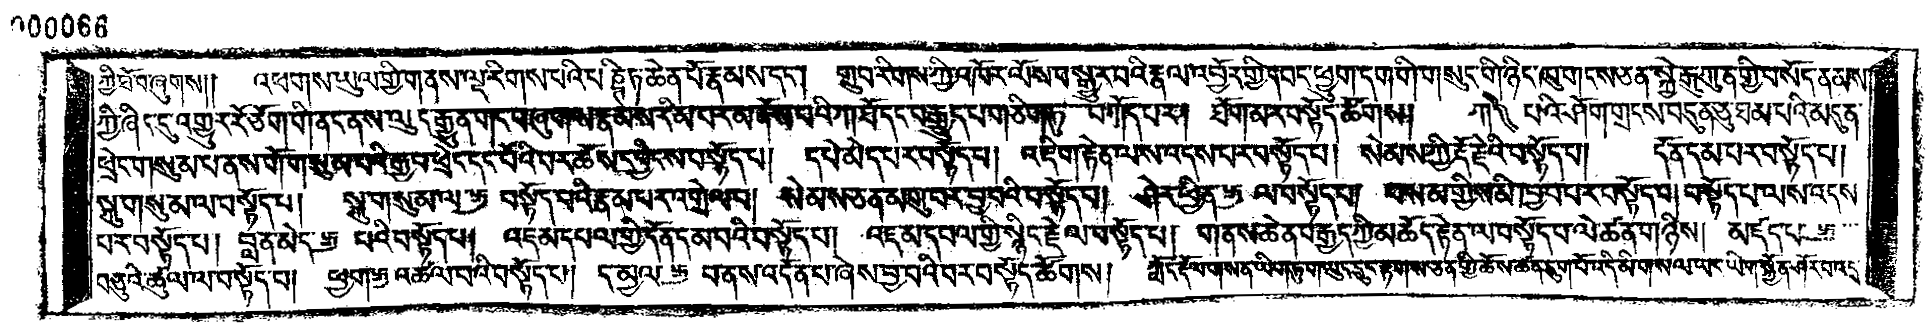ཀྱི་ཐོ་བ་ཞུགས།། འཕགས་ཡུལ་གྱི་གནས་ལྔ་རིགས་པའི་པཎྚི་ཏ་ཆེན་པོ་རྣམས་དང་། གྲུབ་རིགས་ཀྱི་འཁོར་ལོས་བསྒྱུར་བའི་རྣལ་འབྱོར་གྱི་དབང་ཕྱུག་དག་གི་གསུང་གི་ཉིང་ཁུ་གངས་ཅན་སྐྱེ་རྒུ་ཀུན་གྱི་བསོད་ནམས་
ཀྱི་ཞིང་དུ་འགྱུར་རོ་ཅོག་གི་ནང་ནས་ལུང་རྒྱུན་གང་བཞུགས་རྣམས་རིམ་པར་མནོས་པའི་ཀ་ཐོ་དང་བརྒྱུད་པ་གཅིག་ཏུ་བཀོད་པར། ཐོག་མར་བསྟོད་ཚོགས། ཀ༼༽ པའི་ཤོག་གྲངས་བདུན་ཅུ་ཐམ་པའི་མདུན་
ཕྲེང་གསུམ་པ་ནས་གོ་གསུམ་པའི་རྒྱབ་ཕྲེང་དང་པོའི་བར་ཆོས་དབྱིངས་བསྟོད་པ། དཔེ་མེད་པར་བསྟོད་པ། འཇིག་རྟེན་ལས་འདས་པར་བསྟོད་པ། སེམས་ཀྱི་རྡོ་རྗེའི་བསྟོད་པ། དོན་དམ་པར་བསྟོད་པ།
སྐུ་གསུམ་ལ་བསྟོད་པ། སྐུ་གསུམ་ལ་?་བསྟོད་པའི་རྣམ་པར་འགྲེལ་བ། སེམས་ཅན་མགུ་བར་བྱ་བའི་བསྟོད་པ། ཤེར་ཕྱིན་?་ལ་བསྟོད་པ། བསམ་གྱིས་མི་ཁྱབ་པར་བསྟོད་པ། བསྟོད་པ་ལས་འདས་
པར་བསྟོད་པ། བླ་ན་མེད་པའི་བསྟོད་པ། འཇམ་དཔལ་གྱི་དོན་དམ་པའི་བསྟོད་པ། འཇམ་དཔལ་གྱི་སྙིང་རྗེ་ལ་བསྟོད་པ། གནས་ཆེན་བརྒྱད་ཀྱི་མཆོད་རྟེན་ལ་བསྟོད་པ་ལེ་ཚན་གཉིས། མཛད་པ་?
བཅུའི་ཚུལ་ལ་བསྟོད་པ། ཕྱག་?་འཚལ་བའི་བསྟོད་པ། ད་མྱལ་?་བ་ནས་འདོན་པ་ཞེས་བྱ་བའི་བར་བསྟོད་ཚོགས། ཀློང་རྡོལ་གསན་ཡིག་ཏུ་གཡུང་དྲུང་རྟགས་ཅན་གྱི་ཆོས་ཚན་དྲུག་པོ་འདི་མི་གསལ་ཡང་ཡིག་སྐྱོན་ཤོར་བ་འདྲ་